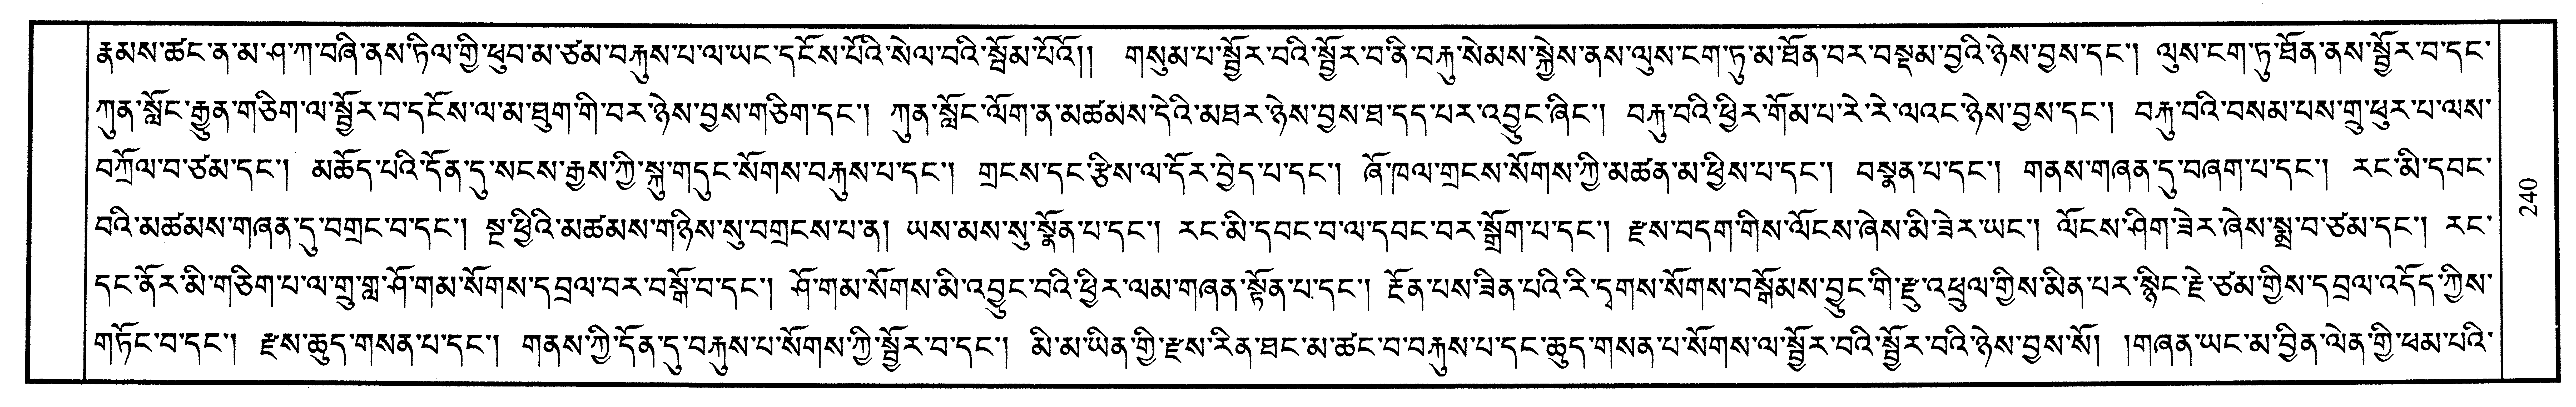རྣམས་ཚང་ན་མ་ཤ་ཀ་བཞི་ནས་ཏིལ་གྱི་ཕུབ་མ་ཙམ་བརྐུས་པ་ལ་ཡང་དངོས་པོའི་སེལ་བའི་སྦོམ་པོའོ།། གསུམ་པ་སྦྱོར་བའི་སྦྱོར་བ་ནི་བརྐུ་སེམས་སྐྱེས་ནས་ལུས་ངག་ཏུ་མ་ཐོན་པར་བསྡམ་བྱའི་ཉེས་བྱས་དང་། ལུས་ངག་ཏུ་ཐོན་ནས་སྦྱོར་བ་དང་
ཀུན་སློང་རྒྱུན་གཅིག་ལ་སྦྱོར་བ་དངོས་ལ་མ་ཐུག་གི་བར་ཉེས་བྱས་གཅིག་དང་། ཀུན་སློང་ལོག་ན་མཚམས་དེའི་མཐར་ཉེས་བྱས་ཐ་དད་པར་འབྱུང་ཞིང་། བརྐུ་བའི་ཕྱིར་གོམ་པ་རེ་རེ་ལའང་ཉེས་བྱས་དང་། བརྐུ་བའི་བསམ་པས་གྲུ་ཕུར་པ་ལས་
བཀྲོལ་བ་ཙམ་དང་། མཆོད་པའི་དོན་དུ་སངས་རྒྱས་ཀྱི་སྐུ་གདུང་སོགས་བརྐུས་པ་དང་། གྲངས་དང་རྩིས་ལ་དོར་བྱེད་པ་དང་། ཞོ་ཁལ་གྲངས་སོགས་ཀྱི་མཚན་མ་ཕྱིས་པ་དང་། བསྣན་པ་དང་། གནས་གཞན་དུ་བཞག་པ་དང་། རང་མི་དབང་
བའི་མཚམས་གཞན་དུ་བགྲང་བ་དང་། སྔ་ཕྱིའི་མཚམས་གཉིས་སུ་བགྲངས་པ་ན། ཡས་མས་སུ་སྣོན་པ་དང་། རང་མི་དབང་བ་ལ་དབང་བར་སྒྲོག་པ་དང་། རྫས་བདག་གིས་ལོངས་ཞེས་མི་ཟེར་ཡང་། ལོངས་ཤིག་ཟེར་ཞེས་སྨྲ་བ་ཙམ་དང་། རང་
དང་ནོར་མི་གཅིག་པ་ལ་གྲུ་གླ་ཤོ་གམ་སོགས་དབྲལ་བར་བསྒོ་བ་དང་། ཤོ་གམ་སོགས་མི་འབྱུང་བའི་ཕྱིར་ལམ་གཞན་སྟོན་པ་དང་། རྔོན་པས་ཟིན་པའི་རི་དྭགས་སོགས་བསྒོམས་བྱུང་གི་རྫུ་འཕྲུལ་གྱིས་མིན་པར་སྙིང་རྗེ་ཙམ་གྱིས་དབྲལ་འདོད་ཀྱིས་
གཏོང་བ་དང་། རྫས་ཆུད་གསན་པ་དང་། གནས་ཀྱི་དོན་དུ་བརྐུས་པ་སོགས་ཀྱི་སྦྱོར་བ་དང་། མི་མ་ཡིན་གྱི་རྫས་རིན་ཐང་མ་ཚང་བ་བརྐུས་པ་དང་ཆུད་གསན་པ་སོགས་ལ་སྦྱོར་བའི་སྦྱོར་བའི་ཉེས་བྱས་སོ། །གཞན་ཡང་མ་བྱིན་ལེན་གྱི་ཕམ་པའི་